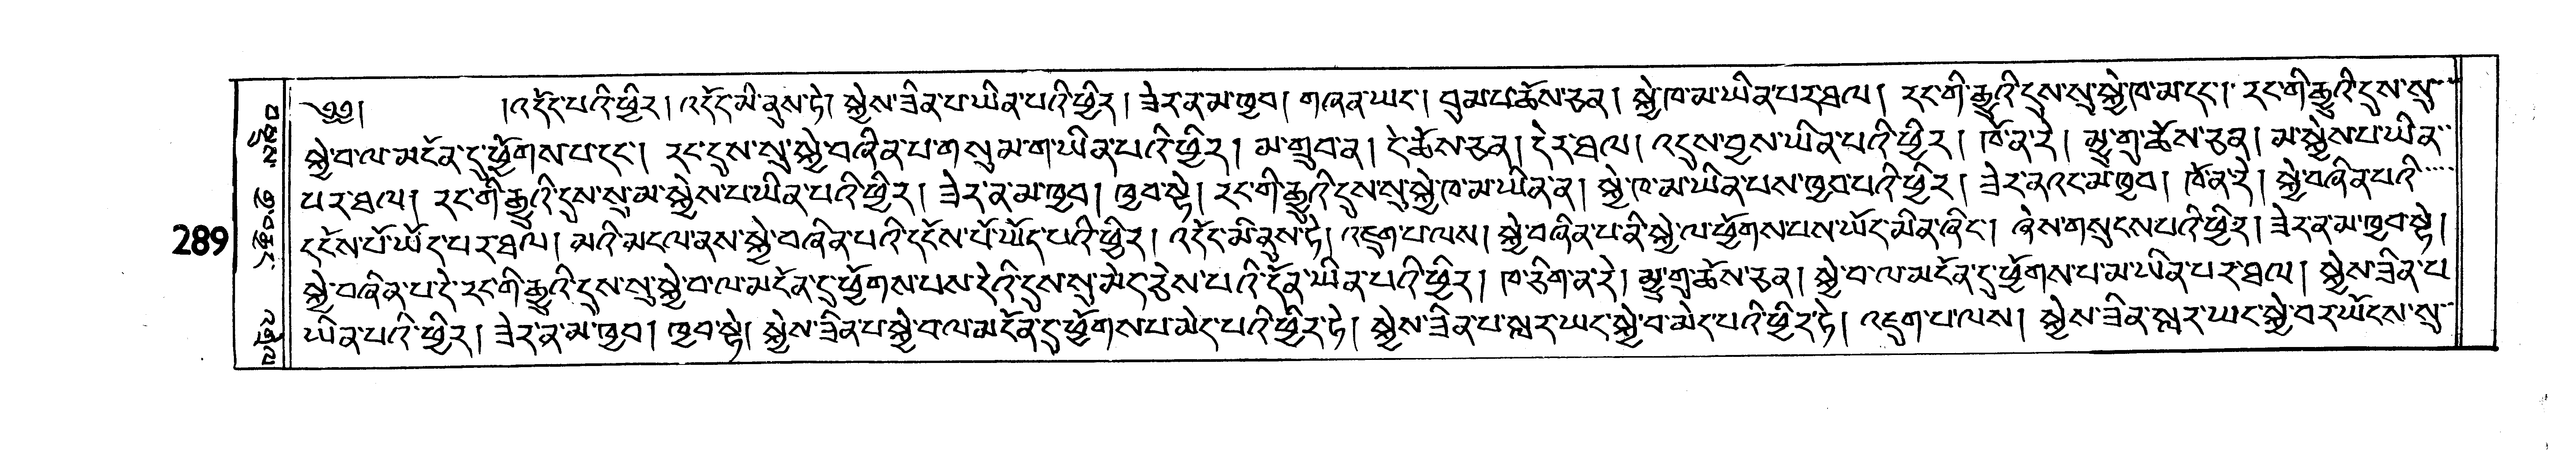༄༅། །འདོད་པའི་ཕྱིར། འདོད་མི་ནུས་ཏེ། སྐྱེས་ཟིན་པ་ཡིན་པའི་ཕྱིར། ཟེར་ན་མ་ཁྱབ། གཞན་ཡང་། བུམ་པ་ཆོས་ཅན། སྐྱེ་ཁ་མ་ཡིན་པར་ཐལ། རང་གི་རྒྱུའི་དུས་སུ་སྐྱེ་ཁ་མ་དང་། རང་གི་རྒྱུའི་དུས་སུ་
སྐྱེ་བ་ལ་མངོན་དུ་ཕྱོགས་པ་དང་། རང་དུས་སུ་སྐྱེ་བཞིན་པ་གསུམ་ག་ཡིན་པའི་ཕྱིར། མ་གྲུབ་ན། དེ་ཆོས་ཅན། དེར་ཐལ། འདུས་བྱས་ཡིན་པའི་ཕྱིར། ཁོ་ན་རེ། མྱུ་གུ་ཆོས་ཅན། མ་སྐྱེས་པ་ཡིན་
པར་ཐལ། རང་གི་རྒྱུའི་དུས་སུ་མ་སྐྱེས་པ་ཡིན་པའི་ཕྱིར། ཟེར་ན་མ་ཁྱབ། ཁྱབ་སྟེ། རང་གི་རྒྱུའི་དུས་སུ་སྐྱེ་ཁ་མ་ཡིན་ན། སྐྱེ་ཁ་མ་ཡིན་པས་ཁྱབ་པའི་ཕྱིར། ཟེར་ནའང་མ་ཁྱབ། ཁོ་ན་རེ། སྐྱེ་བཞིན་པའི་
དངོས་པོ་ཡོད་པར་ཐལ། མའི་མངལ་ནས་སྐྱེ་བཞིན་པའི་དངོས་པོ་ཡོད་པའི་ཕྱིར། འདོད་མི་ནུས་ཏེ། འཇུག་པ་ལས། སྐྱེ་བཞིན་པ་ནི་སྐྱེ་ལ་ཕྱོགས་པས་ཡོད་མིན་ཞིང་། ཞེས་གསུངས་པའི་ཕྱིར། ཟེར་ན་མ་ཁྱབ་སྟེ།
སྐྱེ་བཞིན་པ་དེ་རང་གི་རྒྱུའི་དུས་སུ་སྐྱེ་བ་ལ་མངོན་དུ་ཕྱོགས་པས་དེའི་དུས་སུ་མེད་ཅེས་པའི་དོན་ཡིན་པའི་ཕྱིར། ཁ་ཅིག་ན་རེ། མྱུ་གུ་ཆོས་ཅན། སྐྱེ་བ་ལ་མངོན་དུ་ཕྱོགས་པ་མ་ཡིན་པར་ཐལ། སྐྱེས་ཟིན་པ་
ཡིན་པའི་ཕྱིར། ཟེར་ན་མ་ཁྱབ། ཁྱབ་སྟེ། སྐྱེས་ཟིན་པ་སྐྱེ་བ་ལ་མངོན་དུ་ཕྱོགས་པ་མེད་པའི་ཕྱིར་ཏེ། སྐྱེས་ཟིན་པ་སླར་ཡང་སྐྱེ་བ་མེད་པའི་ཕྱིར་ཏེ། འཇུག་པ་ལས། སྐྱེས་ཟིན་སླར་ཡང་སྐྱེ་བ་ཡོངས་སུ་